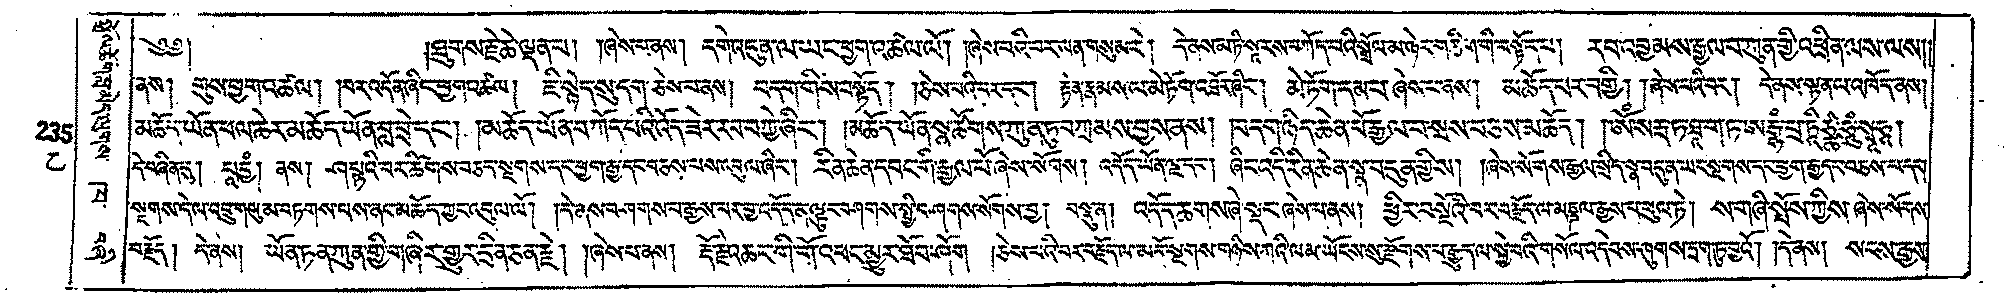༄༅། །ཐུགས་རྗེ་ཆེ་ལྡན་པ། །ཞེས་པ་ནས། དགེ་འདུན་ལ་ཡང་ཕྱག་འཚལ་ལོ། །ཞེས་པའི་བར་ལན་གསུམ་རེ། དེ་ནས་མ་ཏི་སཱ་རས་བཀོད་པའི་སྒྲོལ་མ་ཉེར་གཅིག་གི་བསྟོད་པ།  རབ་འབྱམས་རྒྱལ་བ་ཀུན་གྱི་འཕྲིན་ལས་ལས།།
ནས། གུས་ཕྱག་འཚལ། །བར་འདོན་ཞིང་ཕྱག་འཚལ། ཇི་སྙེད་སུ་དག་ཅེས་པ་ནས། བདག་གིས་བསྟོད། །ཅེས་པའི་བར་དང་། རྟེན་རྣམས་ལ་མེ་ཏོག་འཐོར་ཞིང་།  མེ་ཏོག་དམ་པ་ཞེས་པ་ནས། མཆོད་པར་བགྱི། །ཞེས་པའི་བར། དེ་ནས་སྟན་ལ་འཁོད་ནས།
མཆོད་ཡོན་ཕལ་ཆེར་མཆོད་ཡོན་བླ་བྲེ་དང་། །མཆོད་ཡོན་བཀོད་པའི་འོད་ཟེར་རབ་བཀྱེ་ཞིང་། །མཆོད་ཡོན་སྣ་ཚོགས་ཀུན་ཏུ་བཀྲམས་བྱས་ནས། །བདག་ཉིད་ཆེན་པོ་རྒྱལ་བ་སྲས་བཅས་མཆོད། །ཨོཾ་སརྦ་ཐཱ་ག་ཏ་ཨརྒྷཾ་པྲ་ཏཱིཙྪ་ཧཱུཾ་སྭཱཧཱ།
དེ་བཞིན་དུ།  པཱདྱཾ། ནས། ཤཔྟའི་བར་ཚིགས་བཅད་སྔགས་དང་ཕྱག་རྒྱ་དང་བཅས་པས་འབུལ་ཞིང་།  རིན་ཆེན་དབང་གི་རྒྱལ་པོ་ཞེས་སོགས། འདོད་ཡོན་ལྔ་དང་།  ཞིང་འདི་རིན་ཆེན་སྣ་བདུན་གྱིས། །ཞེས་སོགས་རྒྱལ་སྲིད་སྣ་བདུན་ཡང་སྔགས་དང་ཕྱག་རྒྱ་དང་བཅས་པ་དང་།
སྔགས་དེ་ལ་འབྲུ་གསུམ་བཏགས་པས་ནང་མཆོད་ཀྱང་འབུལ་ལོ། །དེ་ནས་བཤགས་པ་རྒྱས་པར་བྱ་འདོད་ན་ལྟུང་བཤགས་སྤྱི་བཤགས་སོགས་བྱ། བསྡུ་ན།  འདོད་ཆགས་ཞེ་སྡང་ཞེས་པ་ནས། ཕྱིར་བསྔོའི་བར་བརྗོད་ལ་མཎྜལ་རྒྱས་པ་ཕུལ་ཏེ།  ས་གཞི་སྤོས་ཀྱིས་ཞེས་སོགས་
བརྗོད། དེ་ནས། ཡོན་ཏན་ཀུན་གྱི་གཞིར་གྱུར་དྲིན་ཅན་རྗེ། །ཞེས་པ་ནས།  རྡོ་རྗེ་འཆང་གི་གོ་འཕང་མྱུར་ཐོབ་ཤོག་།ཅེས་པའི་བར་བརྗོད་ལ་མདོ་སྔགས་གཉིས་ཀའི་ལམ་ཡོངས་སུ་རྫོགས་པ་རྒྱུད་ལ་སྐྱེ་བའི་གསོལ་འདེབས་ཤུགས་དྲག་ཏུ་བྱའོ། །དེ་ནས།  སངས་རྒྱས་